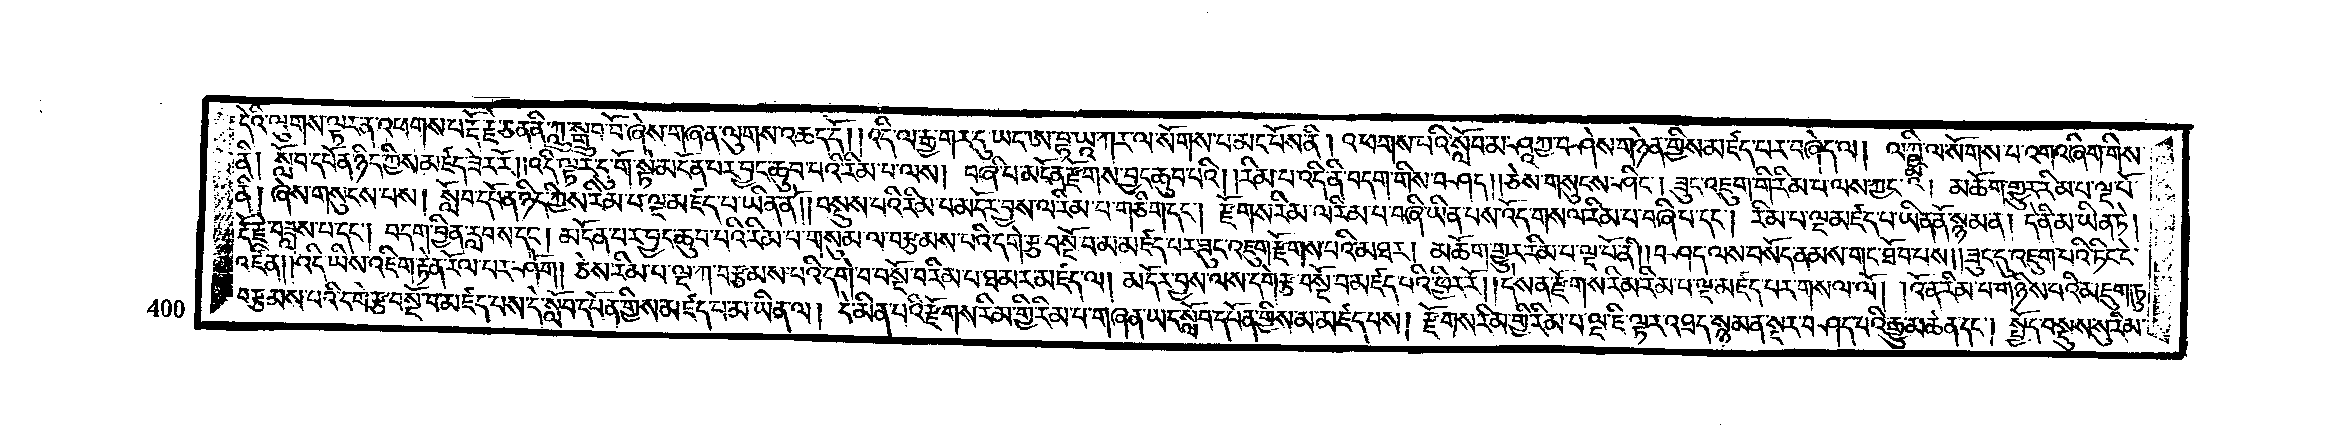དེའི་ལུགས་ལྟར་ན་འཕགས་པ་རྡོ་རྗེ་ཅན་ནི་ཀླུ་སྒྲུབ་བོ་ཞེས་གཞན་ལུགས་འཆད་དོ། །འདི་ལ་རྒྱ་གར་དུ་ཡང་ཨ་བྷ་ཡཱ་ཀར་ལ་སོགས་པ་མང་པོས་ནི། འཕགས་པའི་སློབ་མ་ཤཱཀྱ་བཤེས་གཉེན་གྱིས་མཛད་པར་བཞེད་ལ། ལཀྵྨཱིས་ལ་སོགས་པ་འགའ་ཞིག་གིས་
ནི། སློབ་དཔོན་ཉིད་ཀྱིས་མཛད་ཟེར་རོ། །འདི་ལྟར་དུ་གོ་སྟེ་མངོན་པར་བྱང་ཆུབ་པའི་རིམ་པ་ལས། བཞི་པ་མངོན་རྫོགས་བྱང་ཆུབ་པའི། །རིམ་པ་འདི་ནི་བདག་གིས་བཤད། །ཅེས་གསུངས་ཤིང་། ཟུང་འཇུག་གི་རིམ་པ་ལས་ཀྱང་། མཆོག་གྱུར་རིམ་པ་ལྔ་པོ་
ནི། ཞེས་གསུངས་པས། སློབ་དཔོན་ཉིད་ཀྱིས་རིམ་པ་ལྔ་མཛད་པ་ཡིན་ནོ། །བསྡུས་པའི་རིམ་པ་མདོར་བྱས་ལ་རིམ་པ་གཅིག་དང་། རྫོགས་རིམ་ལ་རིམ་པ་བཞི་ཡིན་པས་འོད་གསལ་རིམ་པ་བཞི་པ་དང་། རིམ་པ་ལྔ་མཛད་པ་ཡིན་ནོ་སྙམ་ན། དེ་ནི་མ་ཡིན་ཏེ།
རྡོ་རྗེ་བཟླས་པ་དང་། བདག་བྱིན་རླབས་དང་། མངོན་པར་བྱང་ཆུབ་པའི་རིམ་པ་གསུམ་ལ་བརྩམས་པའི་དགེ་རྩ་བསྔོ་བ་མ་མཛད་པར་ཟུང་འཇུག་རྫོགས་པའི་མཐར། མཆོག་གྱུར་རིམ་པ་ལྔ་པོ་ནི། །བཤད་ལས་བསོད་ནམས་གང་ཐོབ་པས། །ཟུང་དུ་འཇུག་པའི་ཏིང་ངེ་
འཛིན། །འདི་ཡིས་འཇིག་རྟེན་རོལ་པར་ཤོག །ཅེས་རིམ་པ་ལྔ་ཀ་བརྩམས་པའི་དགེ་བ་བསྔོ་བ་རིམ་པ་ཐ་མར་མཛད་ལ། མདོར་བྱས་ལས་དགེ་རྩ་བསྔོ་བ་མཛད་པའི་ཕྱིར་རོ། །དེས་ན་རྫོགས་རིམ་རིམ་པ་ལྔ་མཛད་པར་གསལ་ལོ། །འོ་ན་རིམ་པ་གཉིས་པའི་མཇུག་ཏུ་
བརྩམས་པའི་དགེ་རྩ་བསྔོ་བ་མཛད་པས་དེ་སློབ་དཔོན་གྱིས་མཛད་པ་མ་ཡིན་ལ། དེ་མིན་པའི་རྫོགས་རིམ་གྱི་རིམ་པ་གཞན་ཡང་སློབ་དཔོན་གྱིས་མ་མཛད་པས། རྫོགས་རིམ་གྱི་རིམ་པ་ལྔ་ཇི་ལྟར་འཐད་སྙམ་ན་སྔར་བཤད་པའི་རྒྱུ་མཚན་དང་། སྤྱོད་བསྡུས་སུ་རིམ་